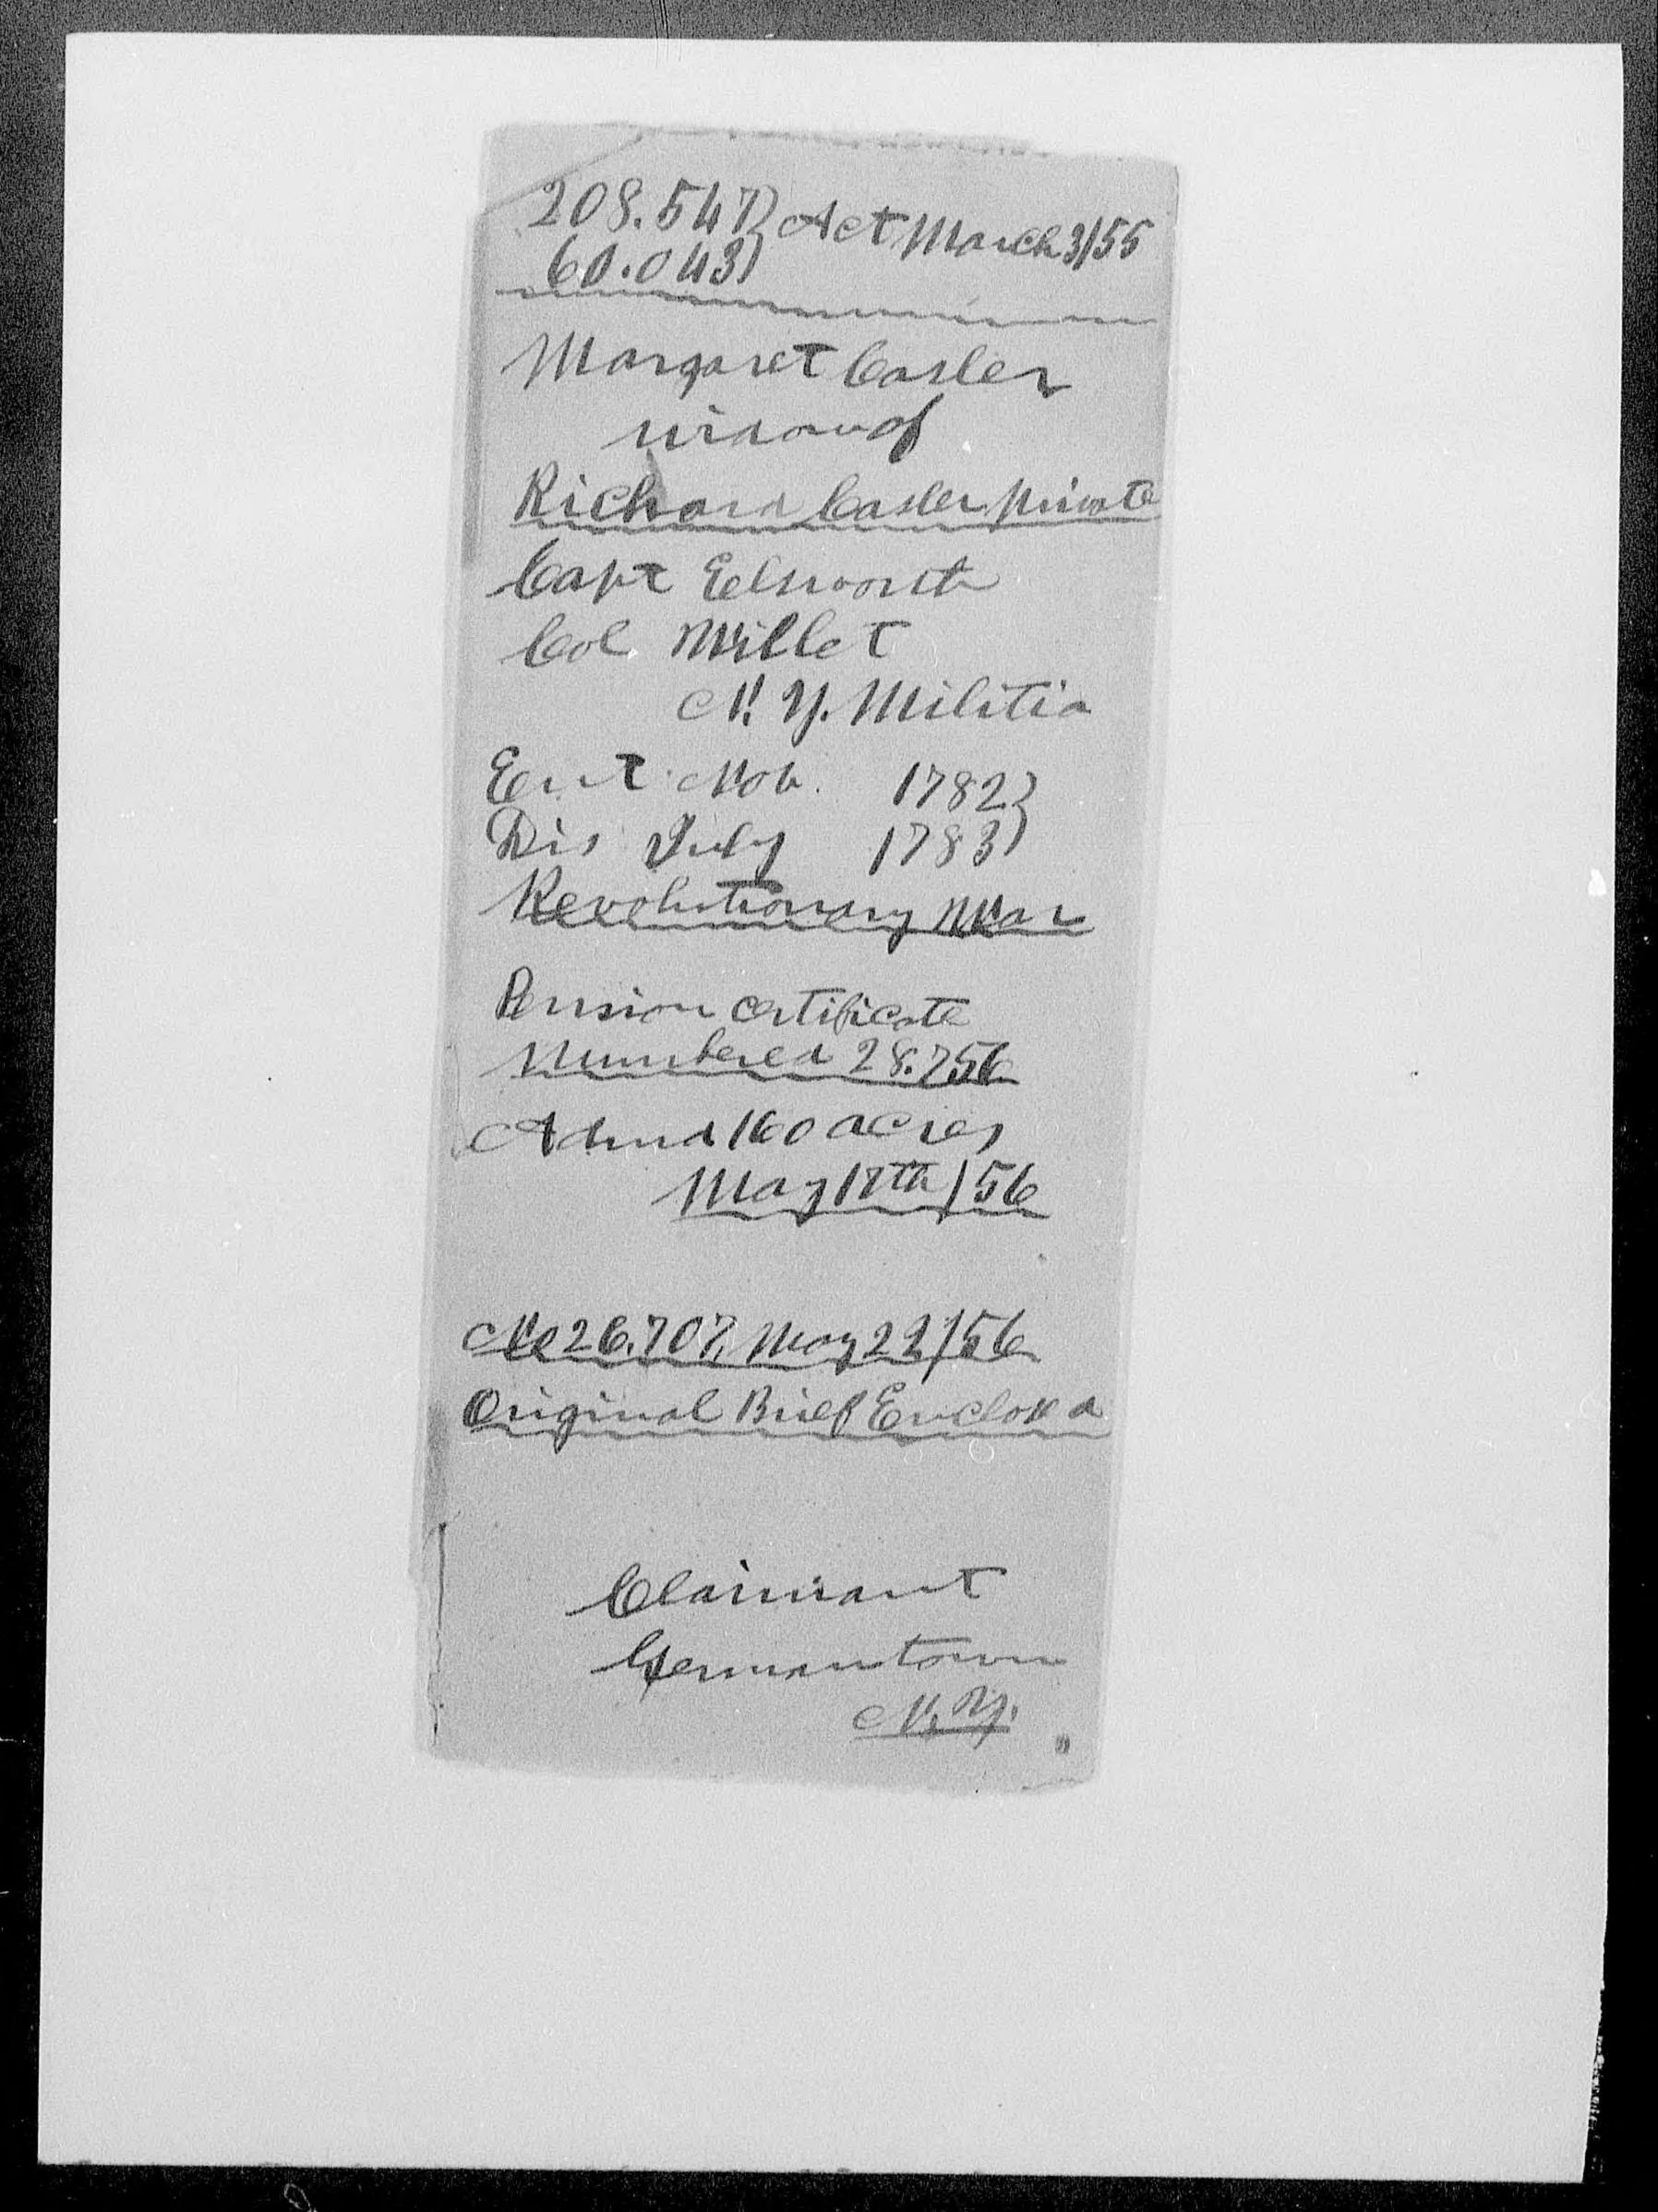208.547 Act March 3/55 
60.043 
Margaret Casler widow of Richard Casler private 
Capt Elsworth 
Col Willet 
N.Y. Militia 
Enl Nov. 1782
Dis July 1783
Revolutionary war 

Pension certificate numbered 28.756 

Admd 160 acres 
May 17th/56 
No 26.707 May 22/56 
Original Bill Enclosed 

Claimant 
Germantown N.Y.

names: Richard Casler, Willet, Margaret Casler, Elsworth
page: 34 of 66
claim: widow's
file: W. 6637, Richard Caslar, New York